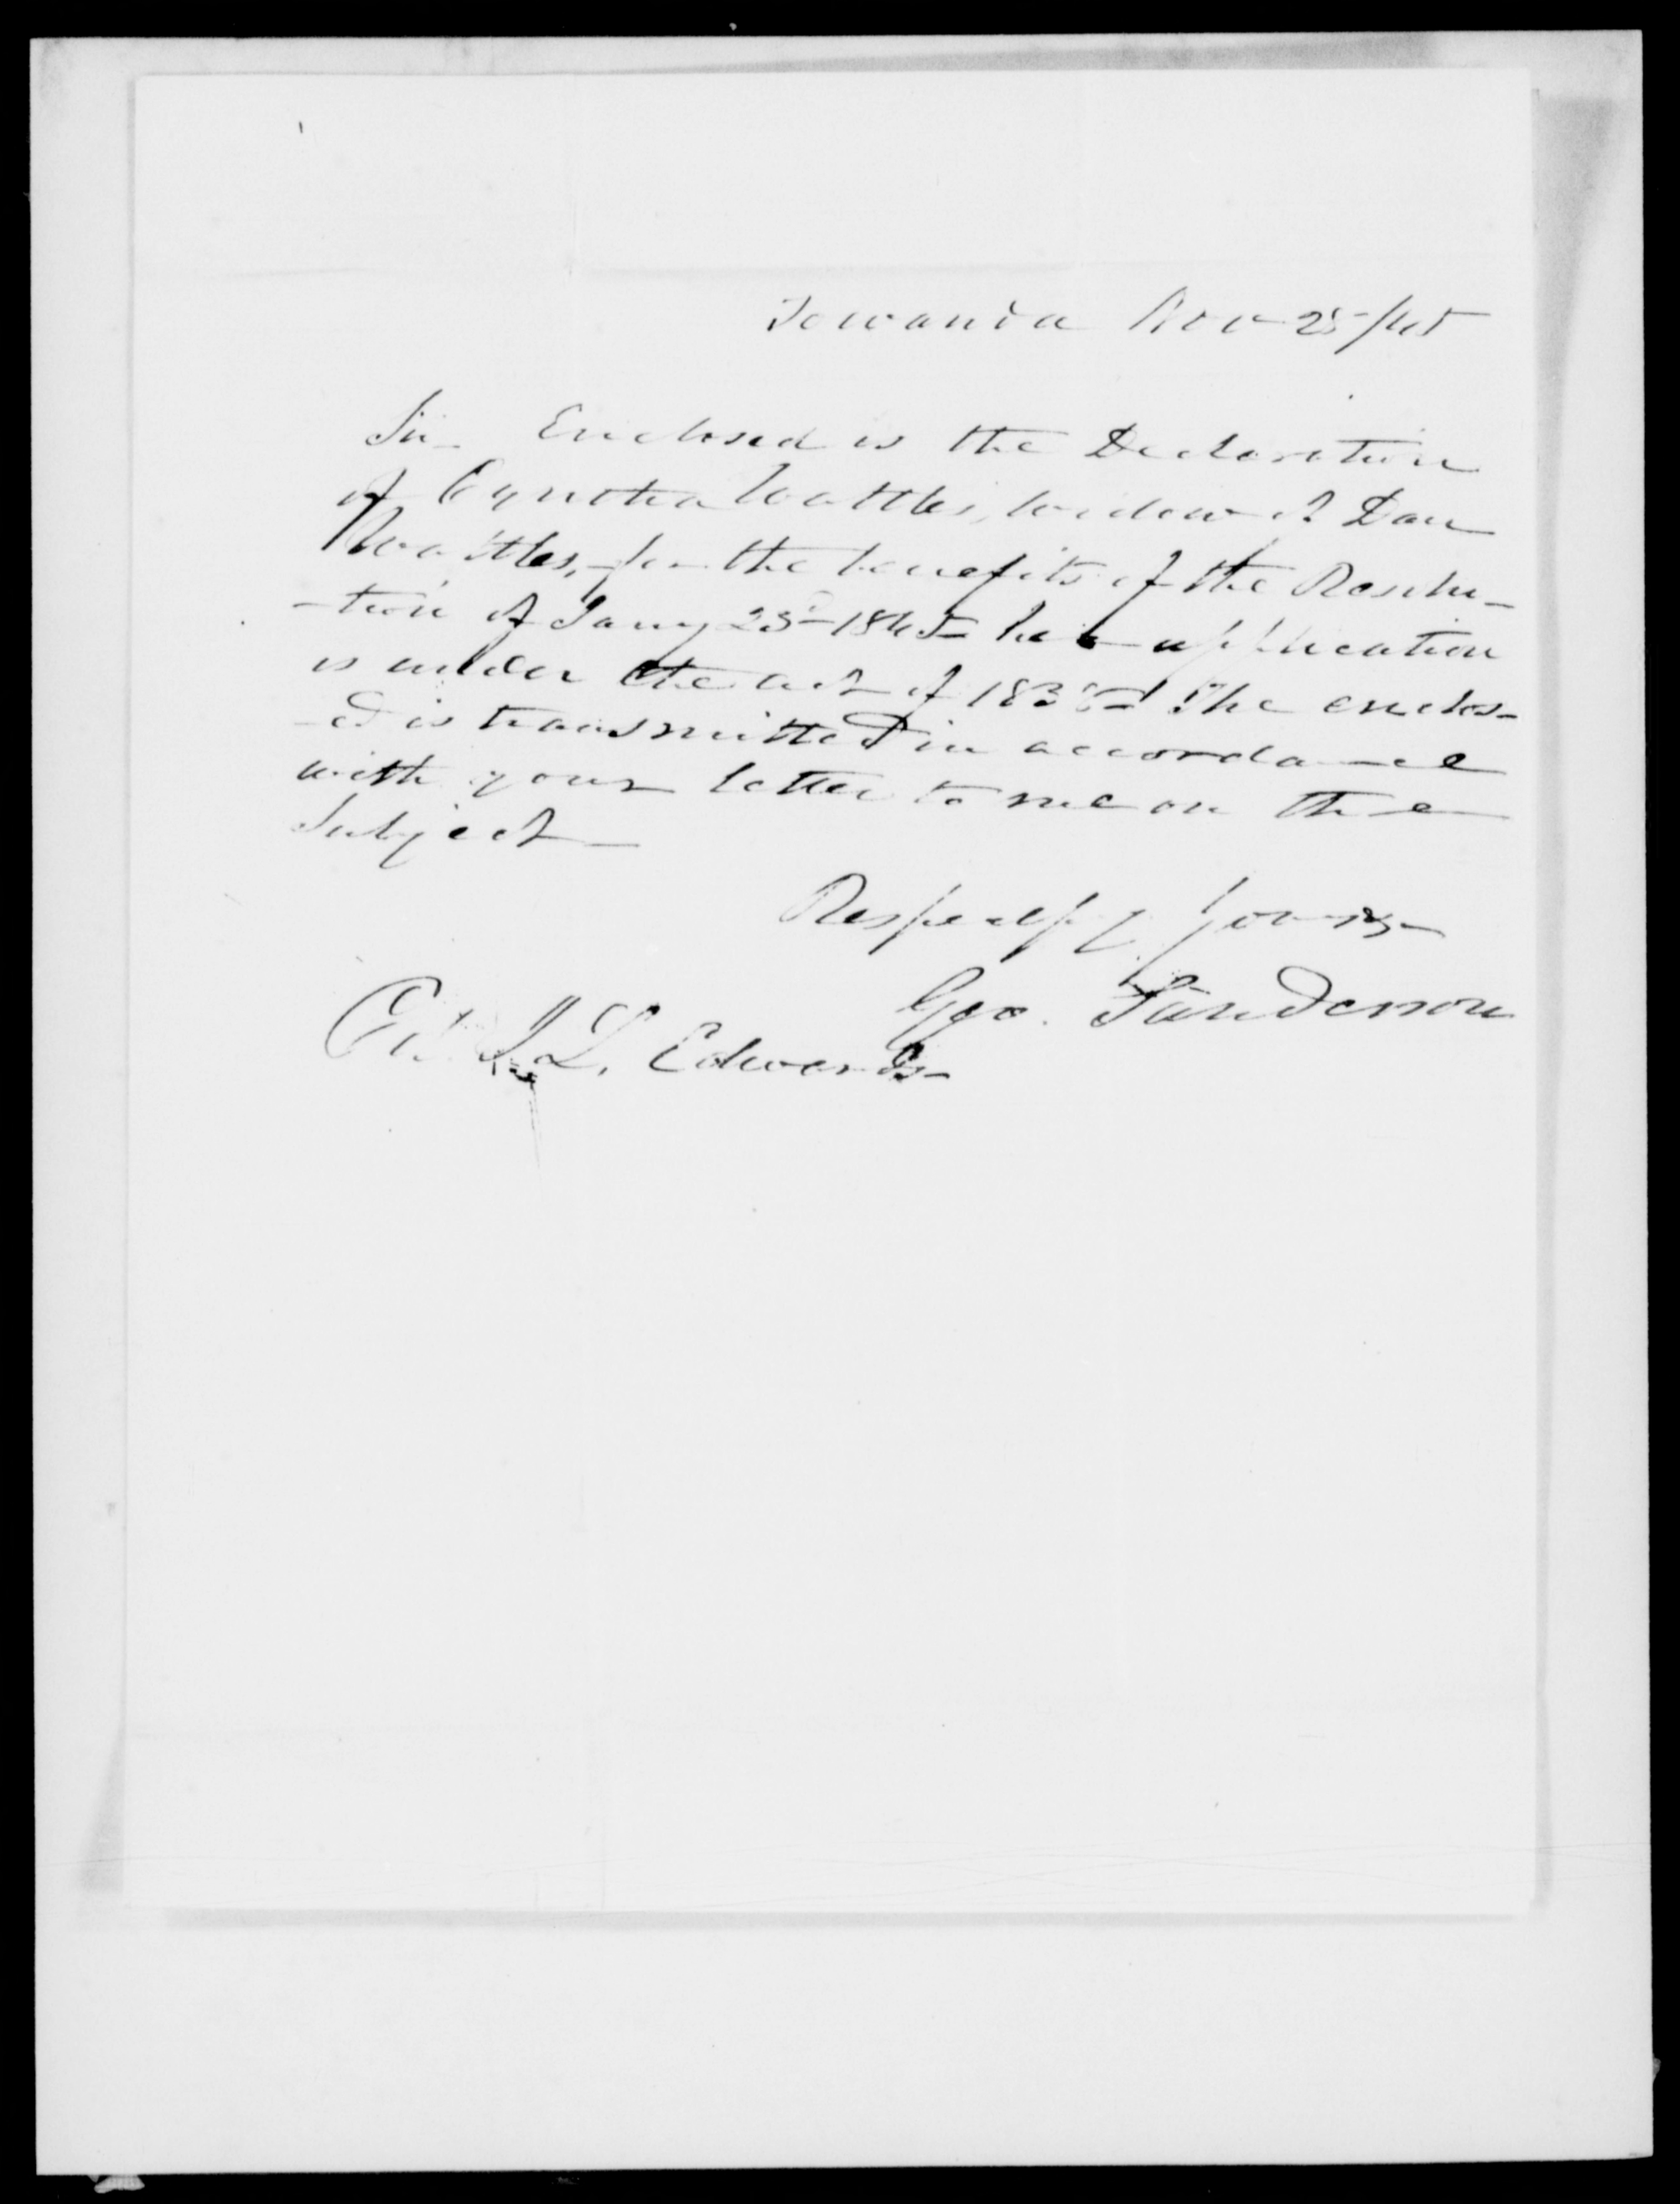Towanda  Nov 28 [     ]

Sir

Enclosed is the Declaration of Cynthia Wattles, widow of Dan Wattles, for the benefit of the 
[      ] of Jany 25 1845.  Her application is under the act of 1838.  The enclosed is transmitted in accordance with your letter to me on the July [   ] .

Respectfully Yours,
Geo. Sanderson

J. L. Edwards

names: Dan Wattles, J L Edwards, Geo Sanderson, Cynthia Wattles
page: 40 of 70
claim: widow's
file: W. 3743, Dan Wattles, Conn.